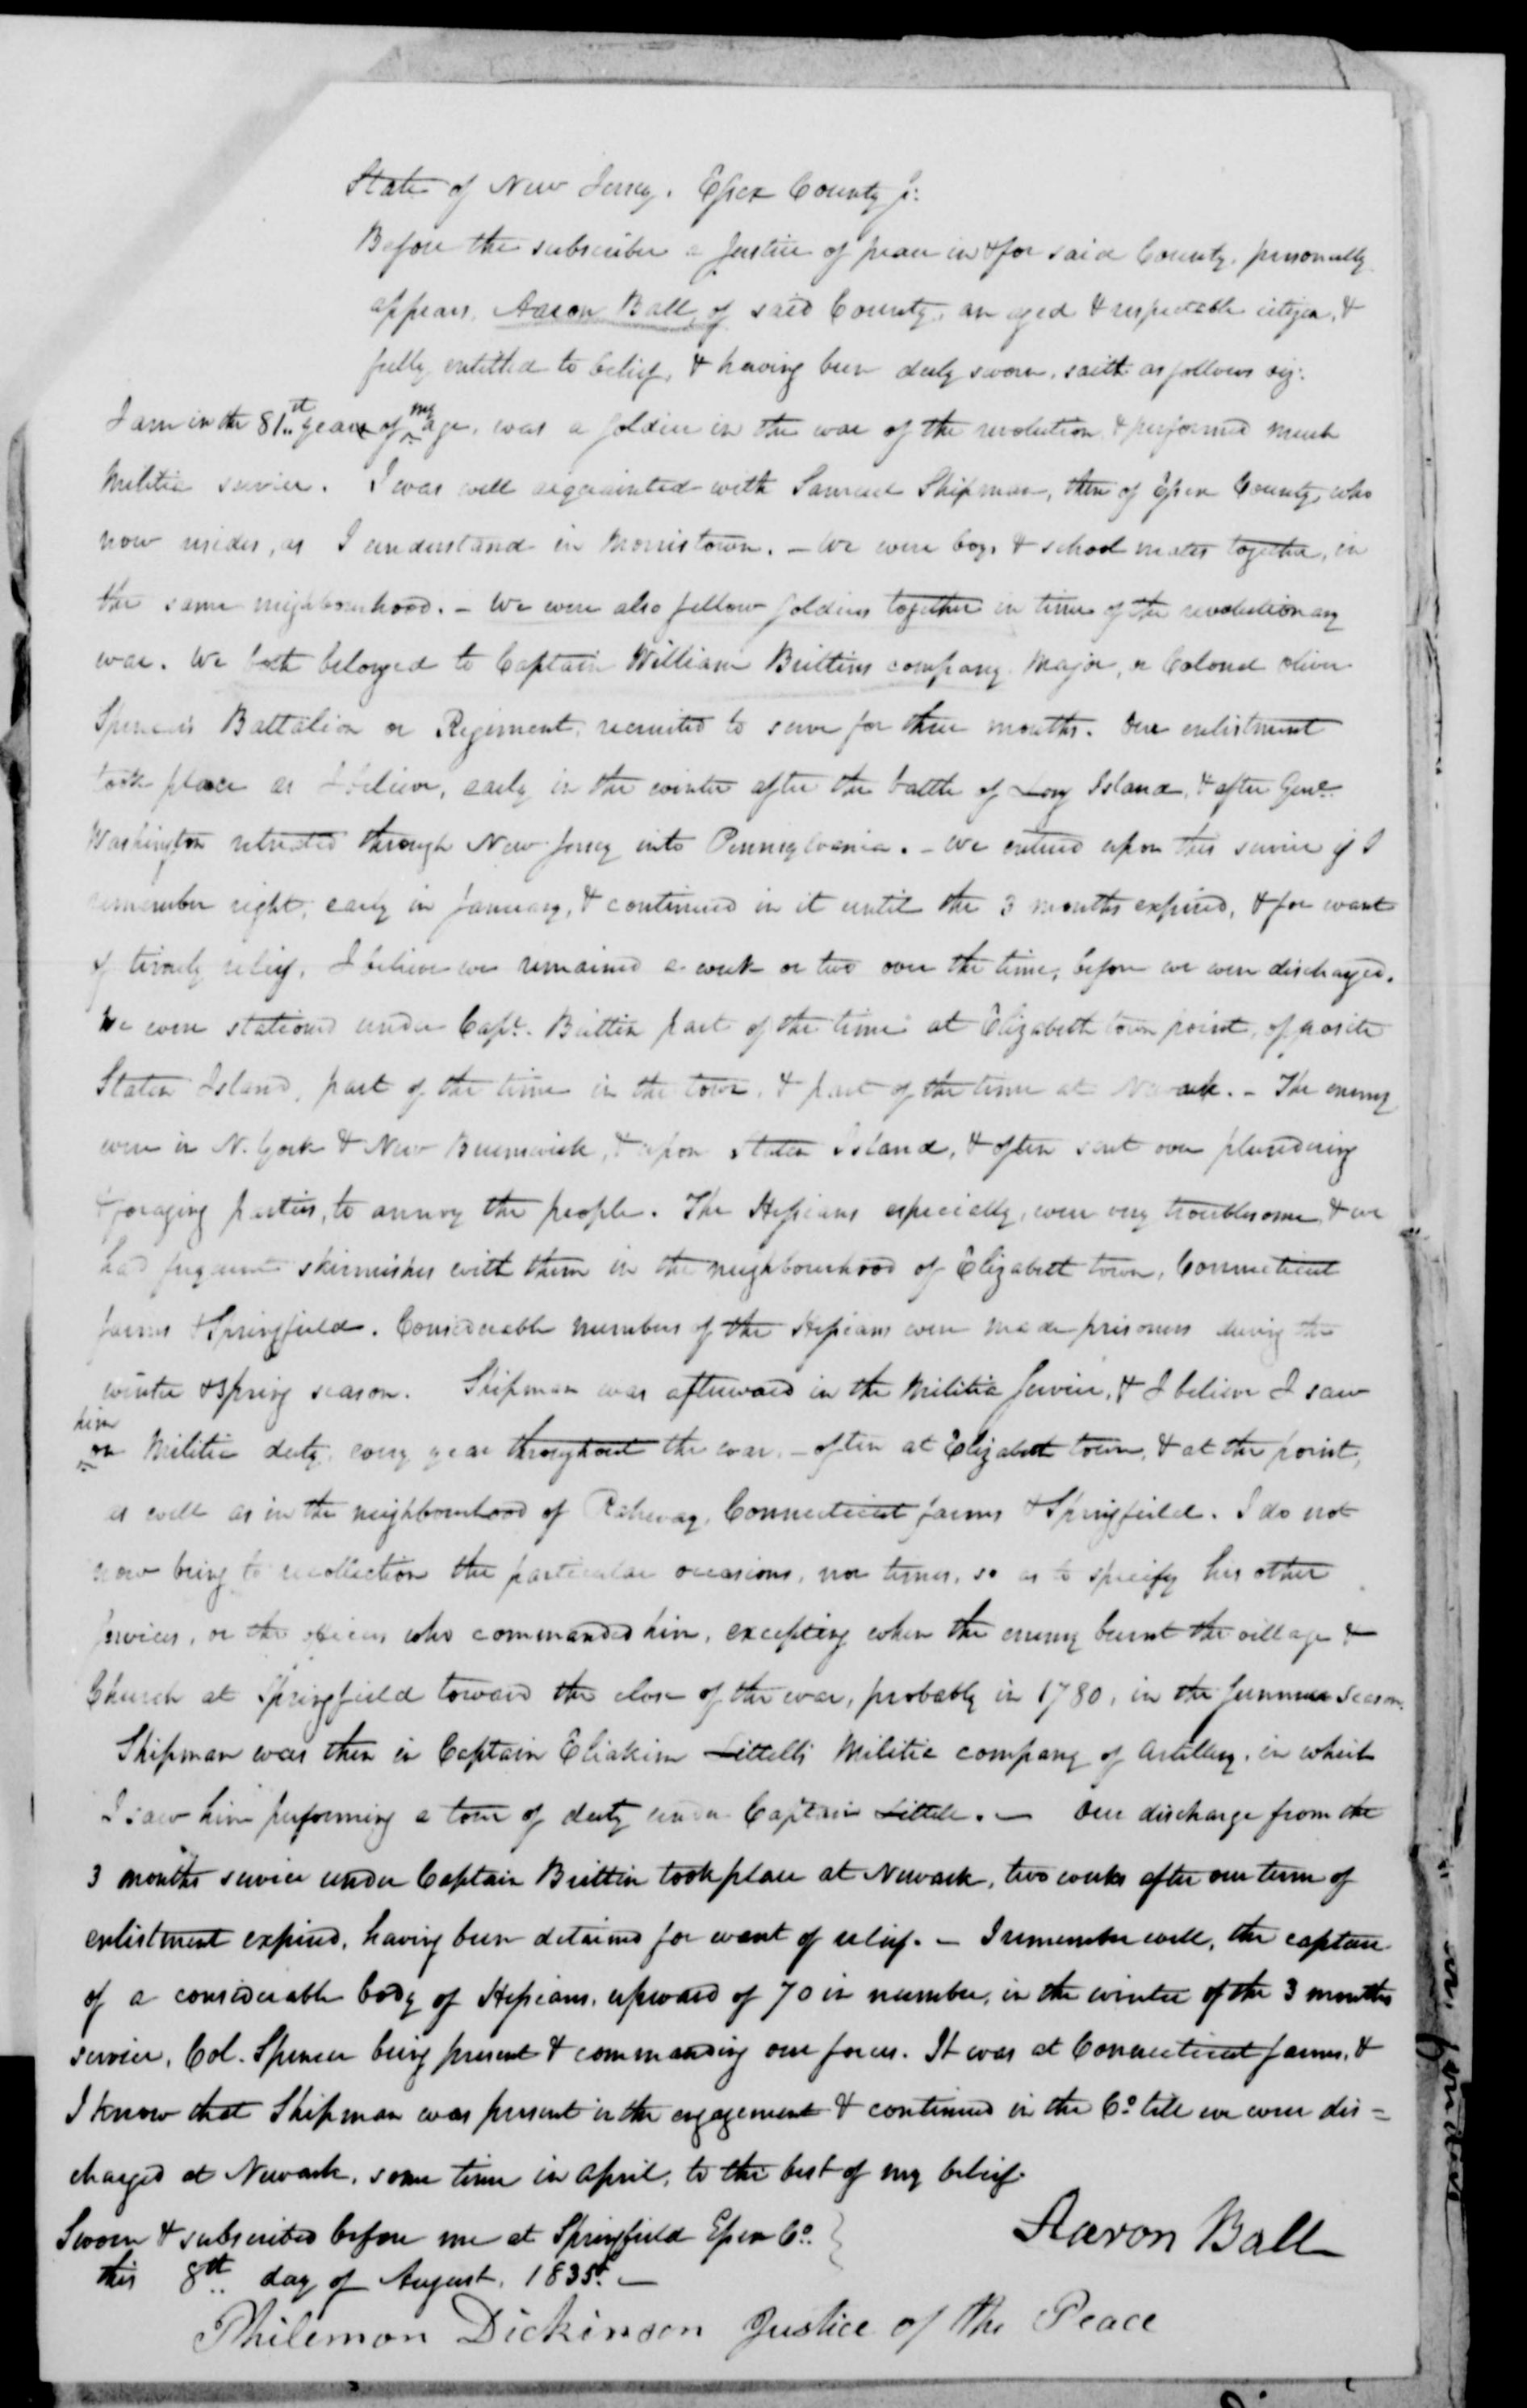State of New Jersey, Essex County SS:
Before the subscriber Justice of peace in & for said County, personally appears, Aaron Ball of said County, an aged & respectable citizen, &
fully entitled to belief, & having been duly sworn, saith as follows viz:
I am in the 81st year of my age, was a soldier in the war of the revolution & performed much
Militia service. I was well acquainted with Samuel Shipman, then of Essex County, who
now resides, as I understand in Morristown. we were boys & school mates together, in the same neighbourhood. We were also fellow soldiers together in time of the revolutionary war. We both belonged to Captain William Brittin's company Major, or Colonel Oliver Spencer's Battalion or Regiment, recruited to serve for three months. Our enlistment took place as I believe, early in the winter after the battle of Long Island, & after Genl. Washington retreated through New Jersey into Pennsylvania. We entered upon this service if I remember right, early in January, & continued in it until the 3 months expired, & for want of timely relief, I believe we remained a week or two over the time before we were discharged.  We were stationed under Capt Brittin part of the time at Elizabeth town point, opposite Staten Island, part of the time in the town & part of the time at Newark. The enemy were in N. York & New Brunswick, & upon Staten Island, & often sent over plundering & foraging parties, to annoy the people. The Hessians especially, were very troublesome & we had frequent skirmishes with them in the neighbourhood of Elizabeth town, Connecticut Farms & Springfield. Considerable numbers of the Hessians were made prisoners during the winter & spring season. Shipman was afterward in the Militia service, & I believe I saw
him on militia duty every year throughout the war, often at Elizabeth town, & at the point
as well as in the neighborhood of Rahway, Connecticut farms & Springfield. I do not now bring to recollection the particular occasions, nor times, so as to specify his other services, or the officers who commanded him, excepting when the enemy burnt the village & Church at Springfield toward the close of the war, probably in 1780, in the summer season.  Shipman was then in Captain Eliakim Litell's Militia company of Artillery, in which I saw him performing a tour of duty under Captain Littell. Our discharge from the 3 months service under Captain Brittin took place at Newark, two weeks after the term of enlistment expired, having been detained for want of relief. I remember well, the captain of a considerable body of Hessians, upwards of 70 in number, in the winter of the 3 months service, Col. Spencer being present & commanding our forces. It was at Connecticut farms & I know that Shipman was present in the engagement & continued in the Co. till we can discharged at Newark, some time in April, to the best of my belief.
Aaron Ball

Sworn & subscribed before me at Springfield Essex Co. this 8th day of August, 1835.-
Philemon Dickinson Justice of the Peace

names: [BLANK] Spencer; [BLANK] Shipman; Aaron Ball; [BLANK] Shipman; [BLANK] Littell; [BLANK] Washington; Aaron Ball; Philemon Dickinson; Samuel Shipman; [BLANK] Brittin; [BLANK] Brittin; [BLANK] Shipman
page: 41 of 44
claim: survivor's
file: S. 912, for Samuel Shipman, New Jersey